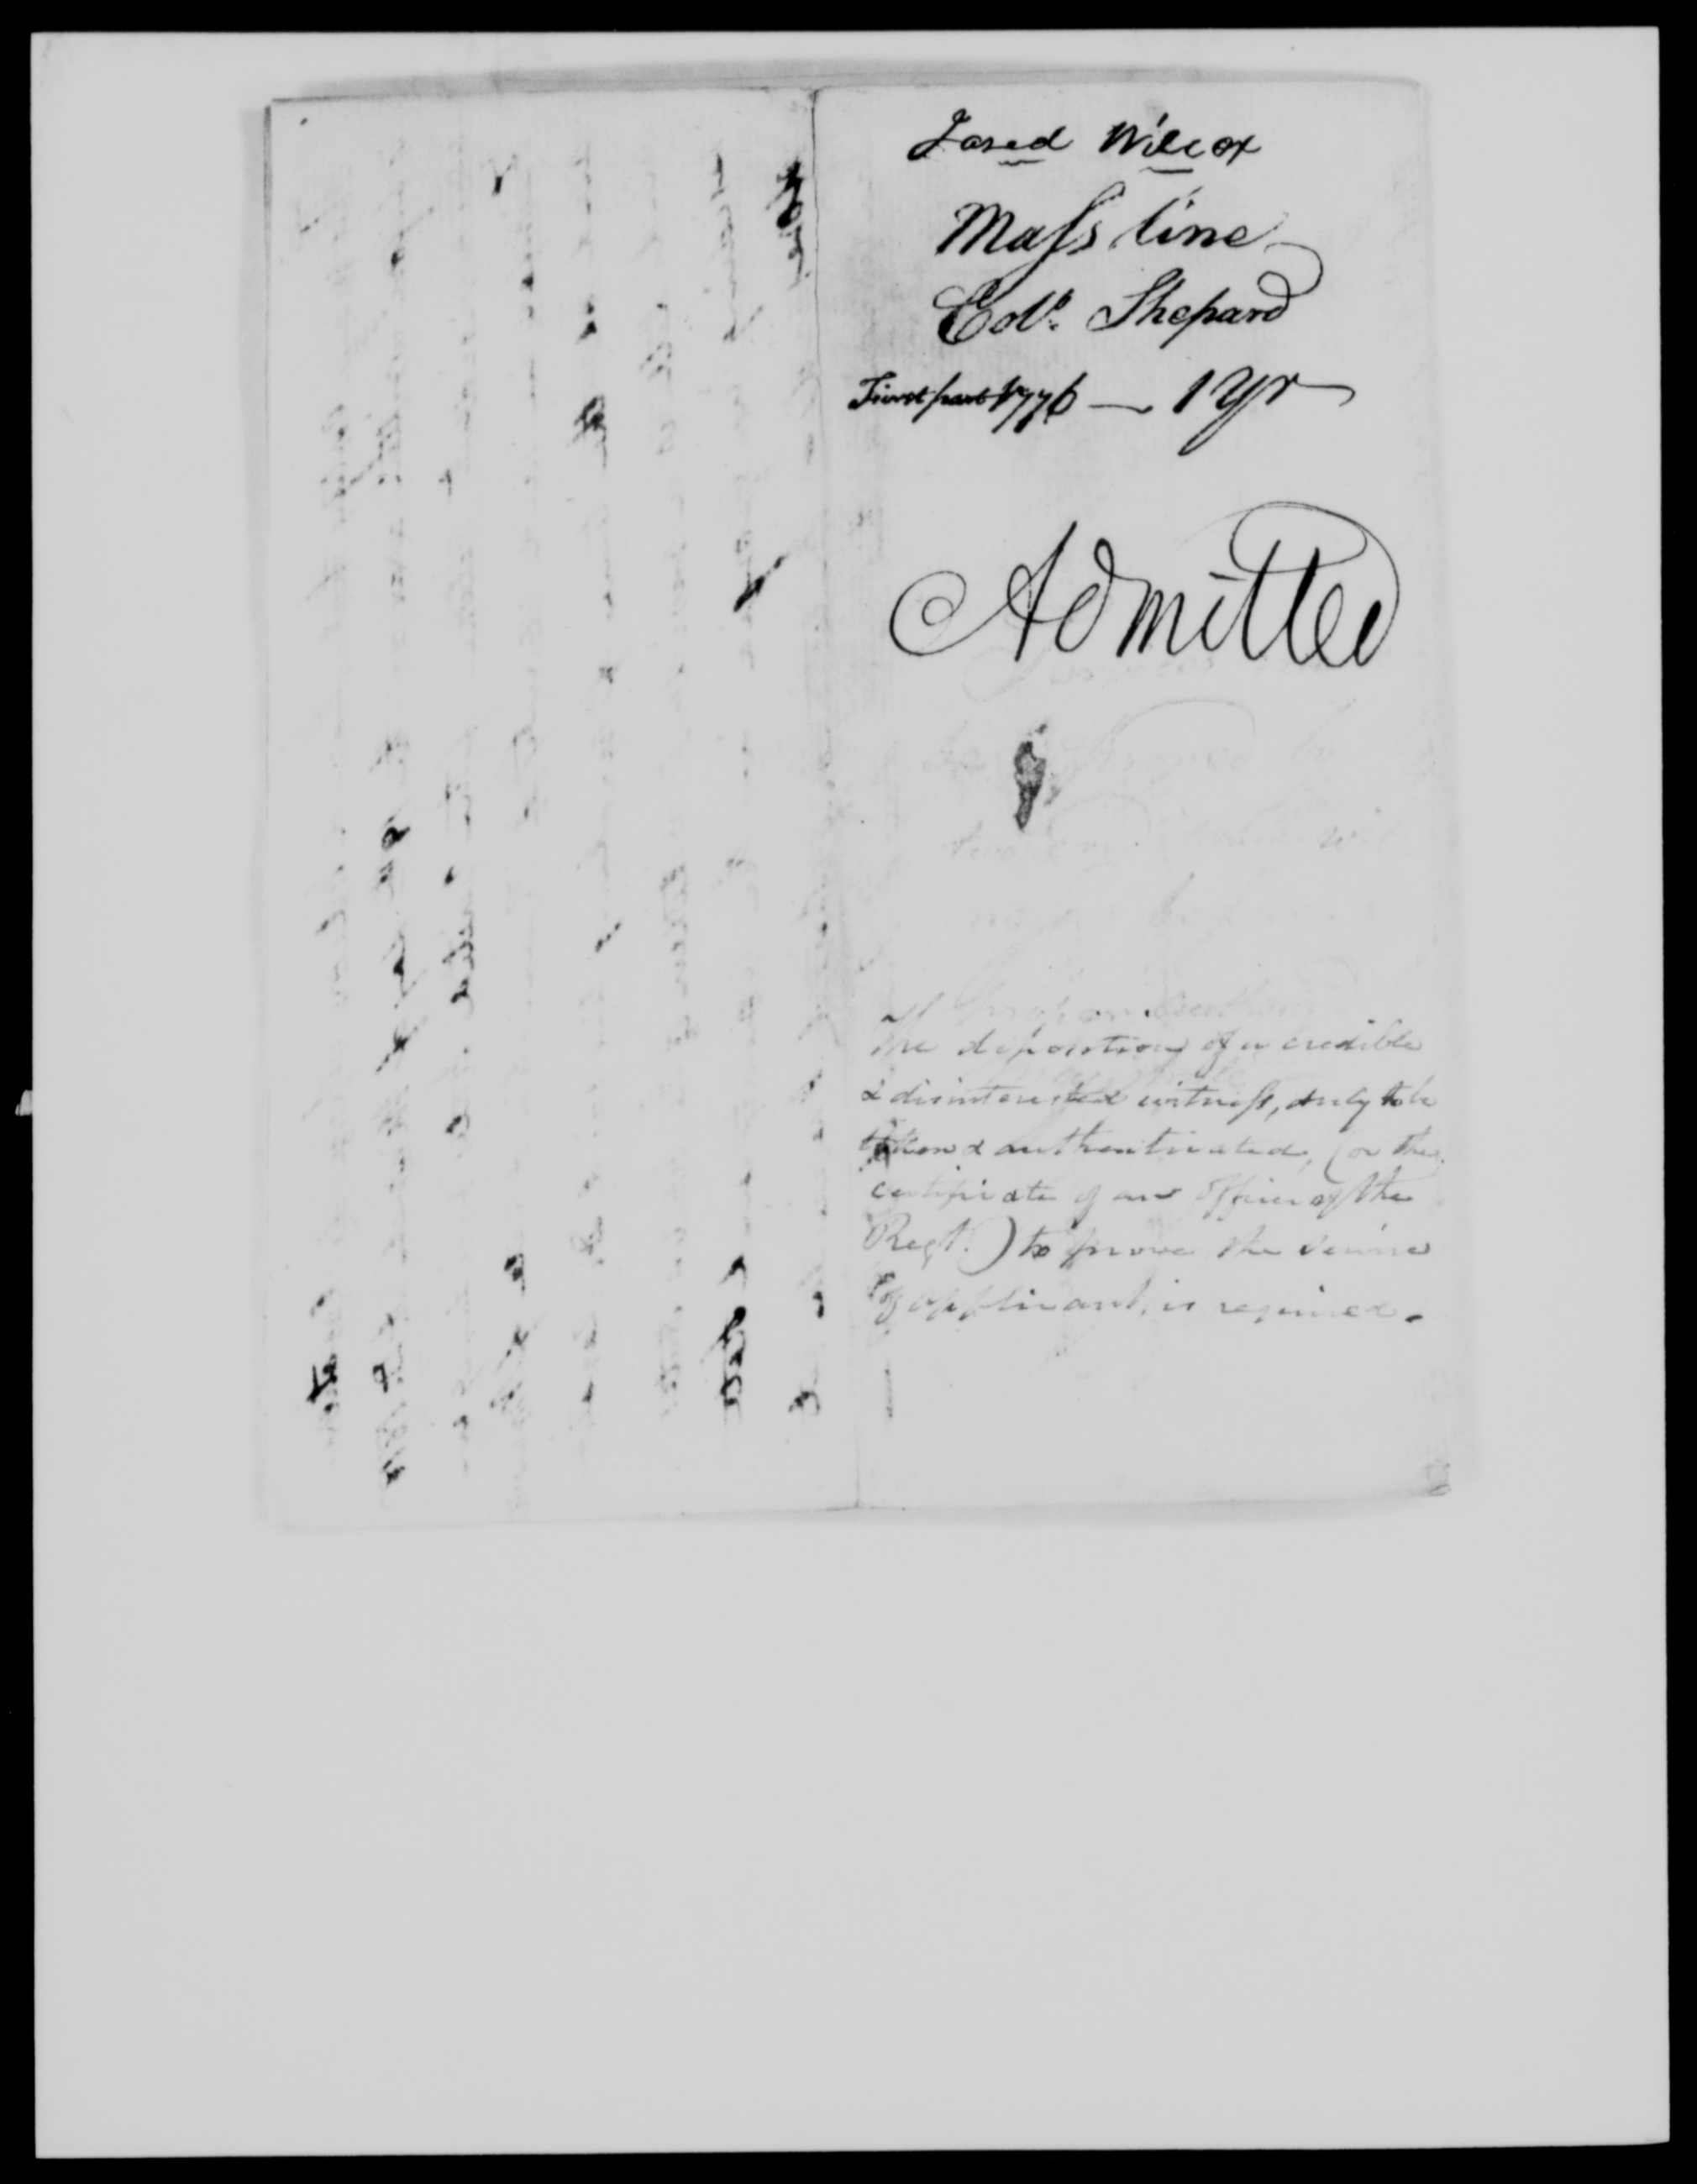Jared Wilcox

Mass line
Col. Shepard

First part  1776 -- 1 yr

Admitted


The deposition of a credible
& disinterested witness, duly to be
(illegible) & authenticated (or the
certificate of one officer of the
Regt.)  to prove the service
of affiant is required.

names: Shepard, Jared Wilcox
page: 6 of 34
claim: survivor's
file: S. 41337, Jared Wilcox, Continental Mass.